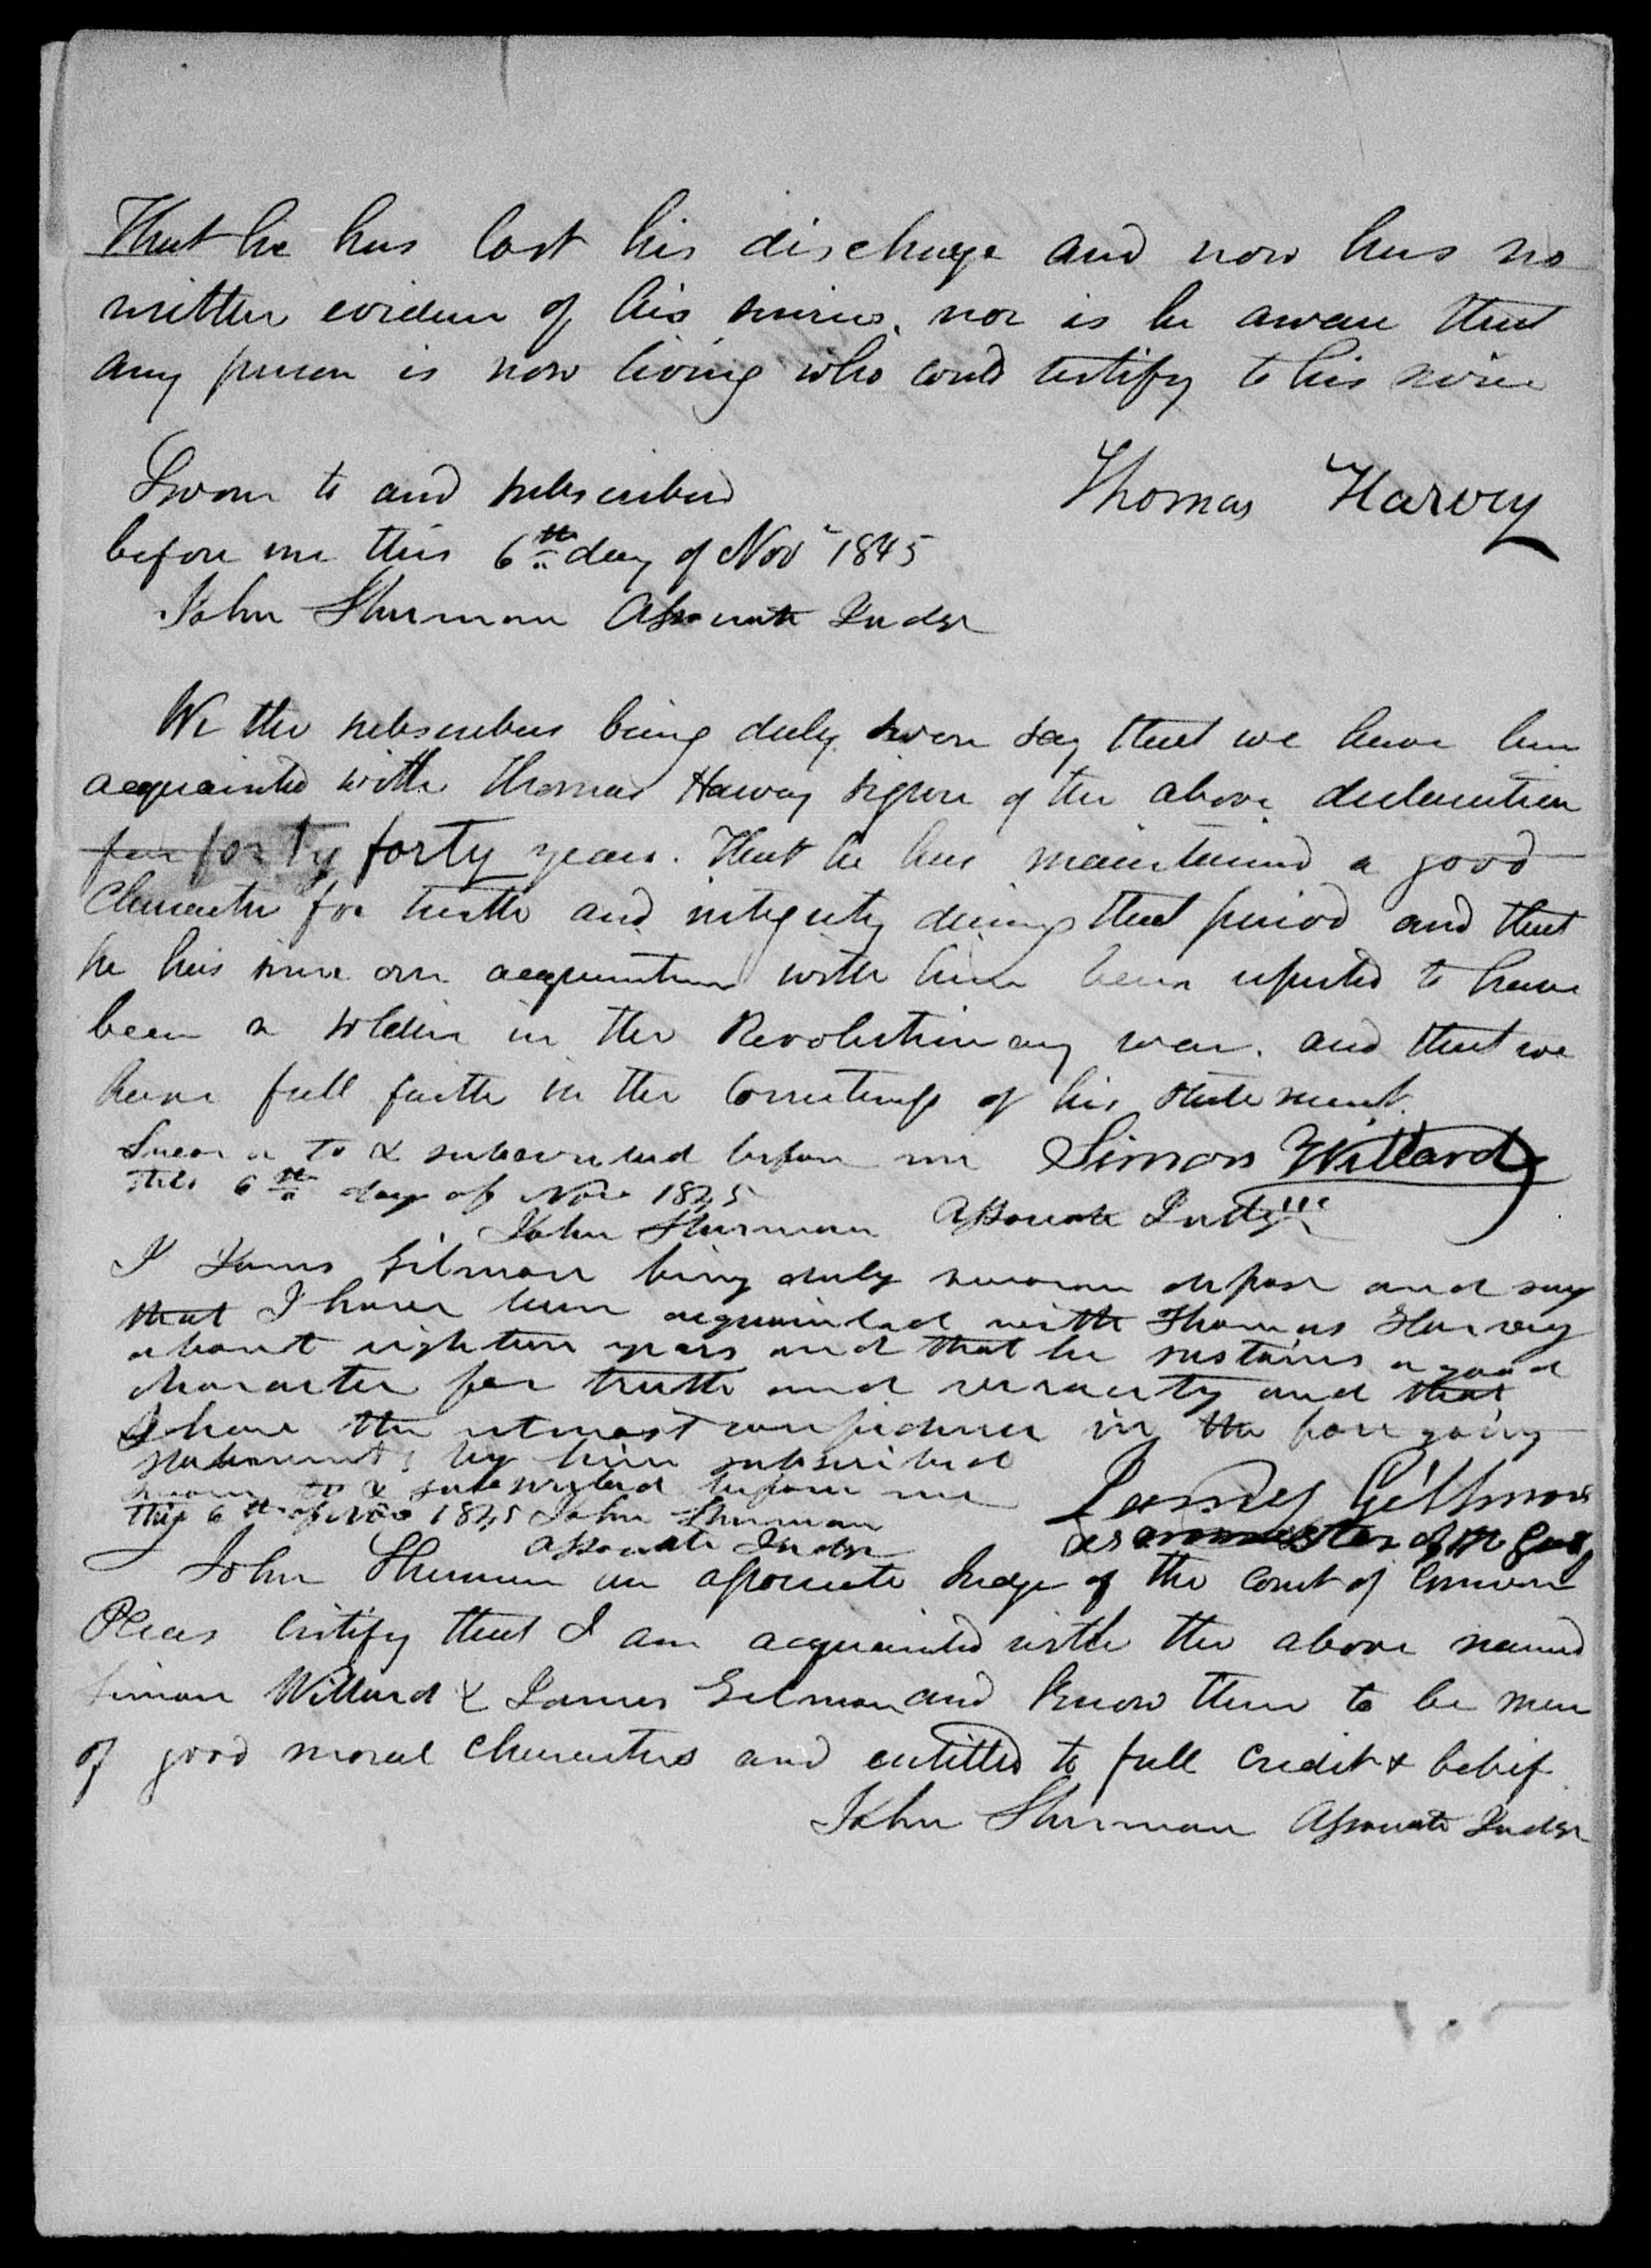That he has lost his discharge and now has no written evidence of his service, nor is he aware that any person is now living who can testify to this service
/s/Thomas Harvey
Sworn to and subscribed before me this 6th day of Nov'r 1845
/s/John Sherman Associate Judge 
We the subscribers being duly sworn say that we have been acquainted with Thomas Harvey signer of the above declaration for forty years. That he has maintained a good character for truth and integrity during that period and that he has since our acquaintance with him been reputed to have been a soldier in the Revolutionary war, and that we have full faith in the correctness of his statement. 
/s/Simon Willard
Sworn to and subscribed before me this 6th day of Nov 1845. 
/s/John Sherman Associate Judge
I James Gilman being duly sworn upon and say  that I have been acquainted with Thomas Harvey about  eighteen years and that he sustains a good character for truth and veracity and that I have the utmost confidence in the foregoing statement by him subscribed 
/s/James Gillman as a master of the [illegible] 
Sworn to & subscribed before me this 6th of Nov 1845
/s/John Sherman Associate Judge 
I John Sherman an associate Judge of the Court of Common Pleas certify that I am acquainted with the above named Simon Willard & James Gilman and know them to be men of good moral characters and entitled to full credit & belief. 
/s/John Sherman Associate Judge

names: John Sherman, John Shermen, John Sherman, Simon Willard, James Gilmore, Thomas Harvey, James Gillmore, Thomas Harvey, Simon Willard, John Sherman, Thomas Harvey, Jams Gilmore, John Sherman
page: 4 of 80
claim: survivor's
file: S. 18008, Thomas Harvey, N.H.